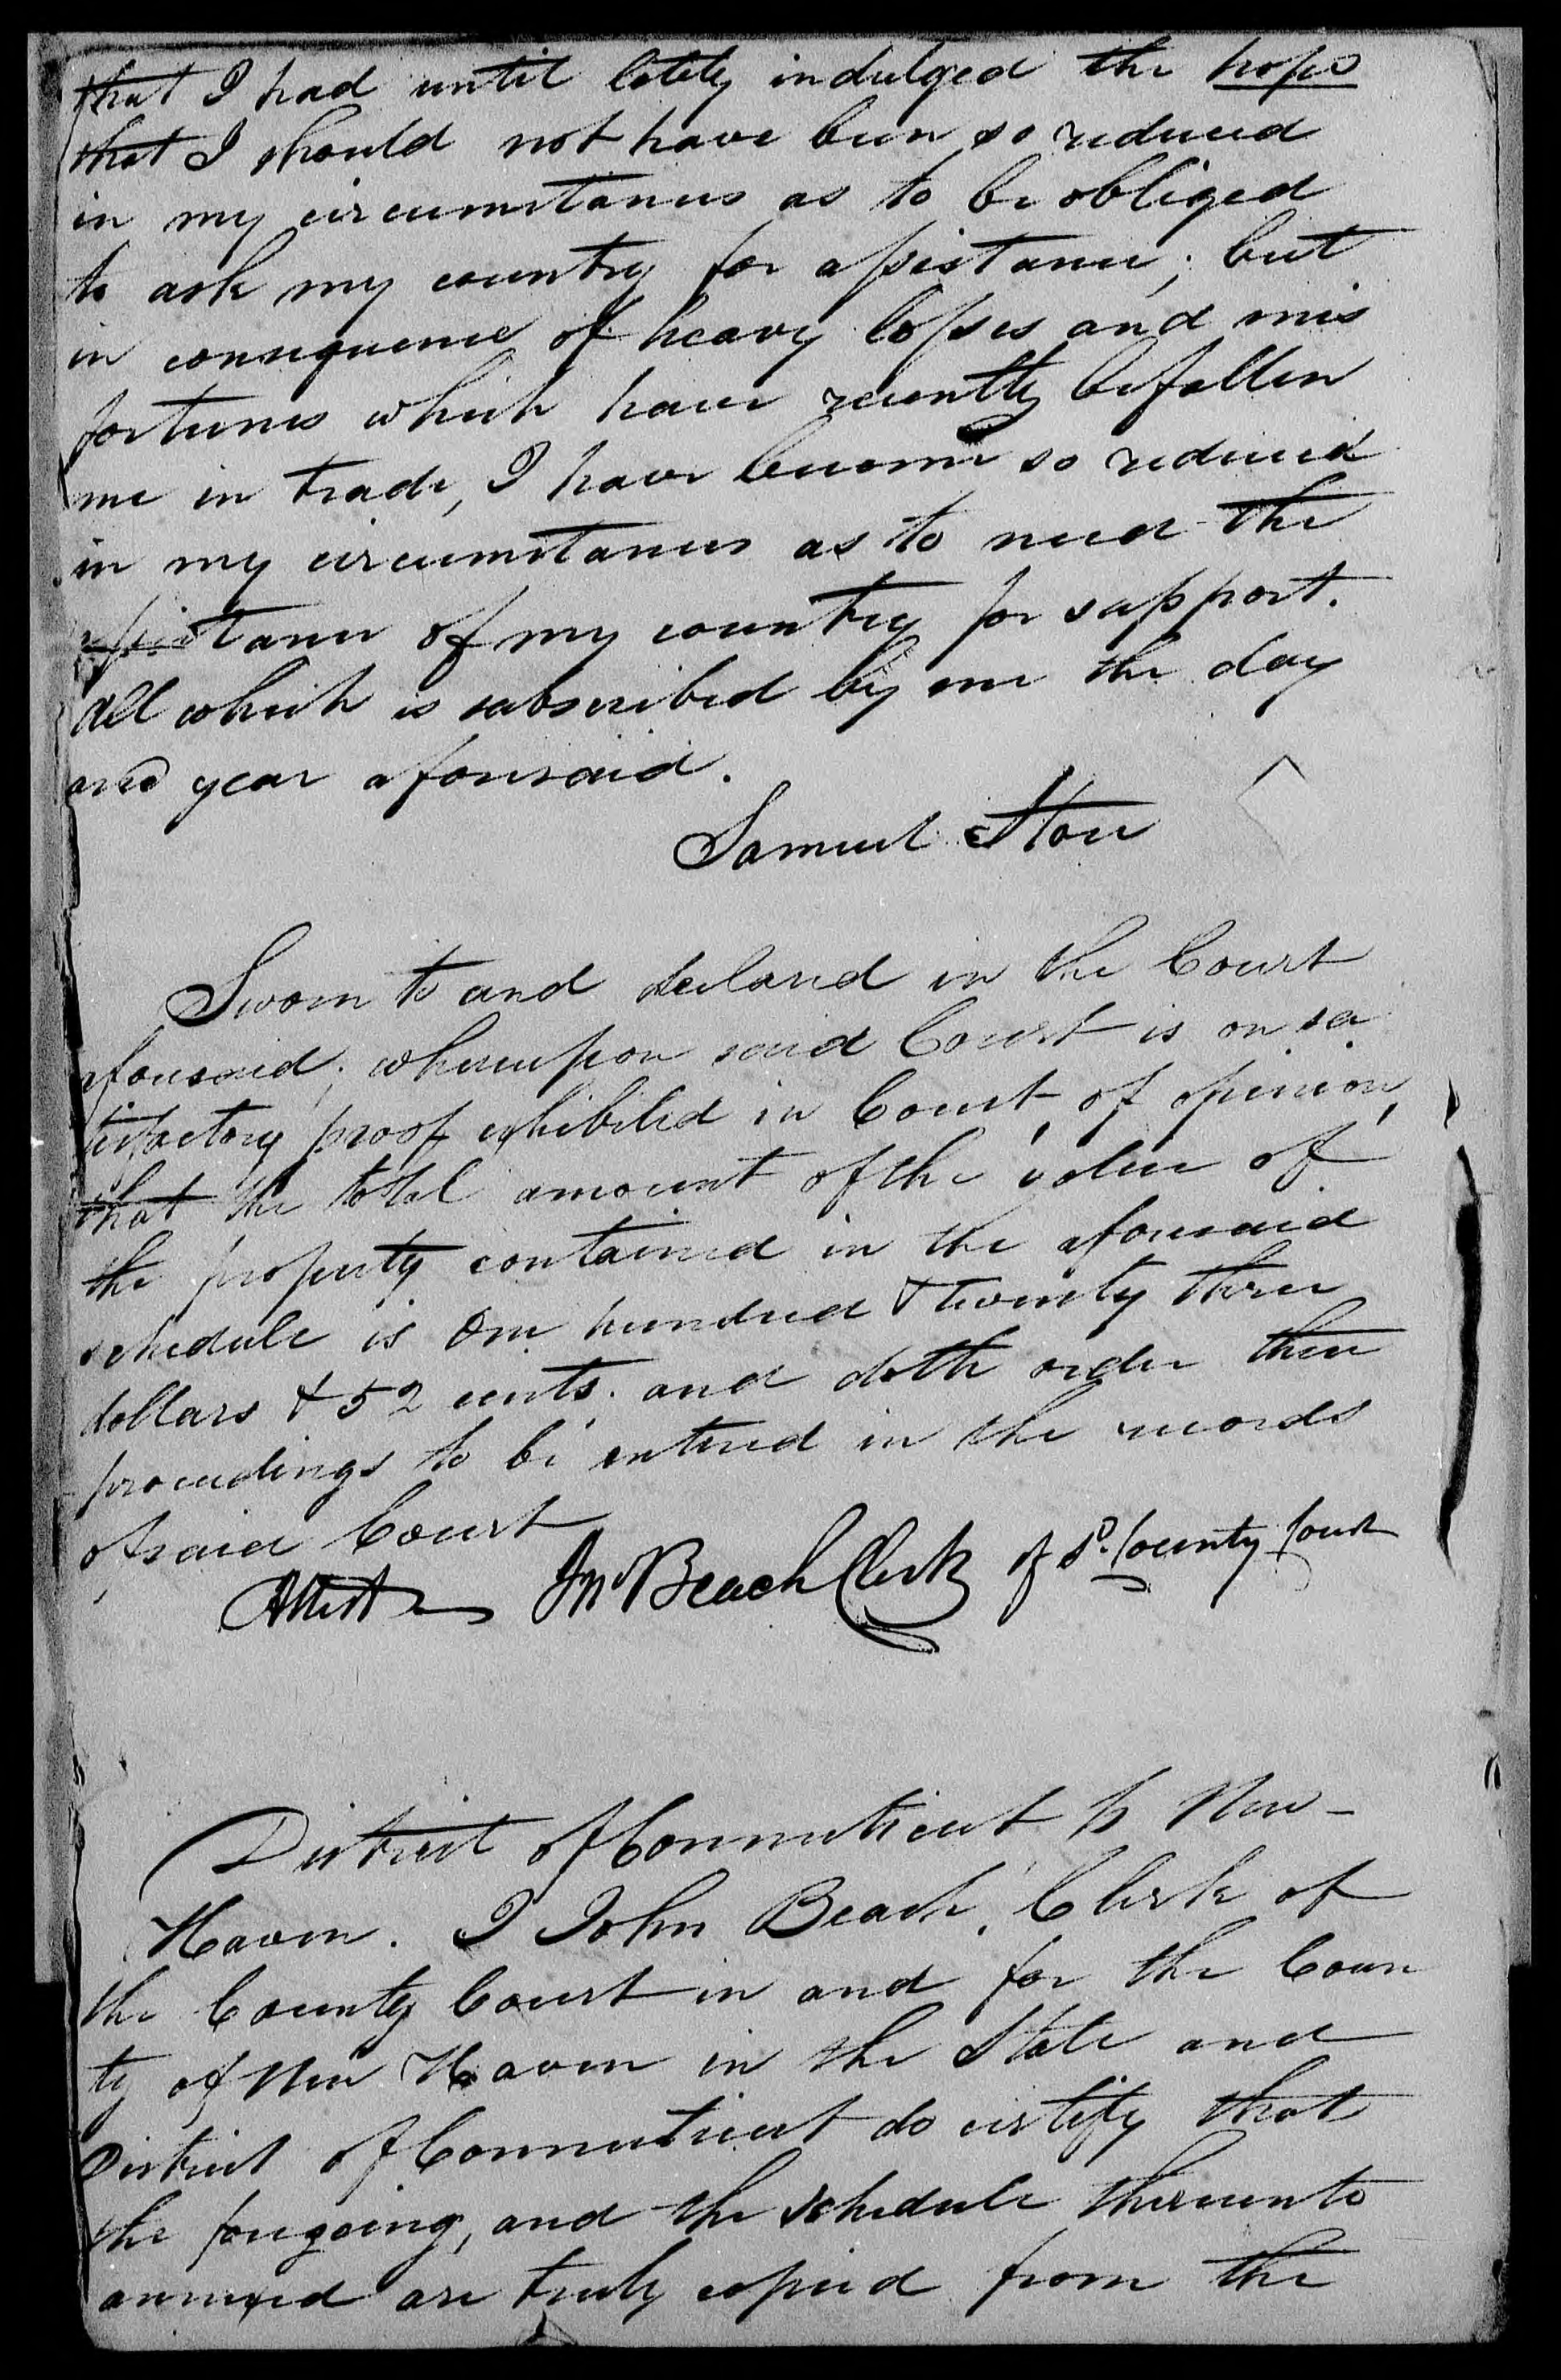that I had until lately indulged the hope that I
should not have been so reduced in my circumstances as to be obliged to ask my country for assistance,  but in consequence of heavy losses and misfortunes which have recently befallen me in trade, I have become so reduced in my circumstances as to need the
assistance of my country for support, all of which is subscribed by me on the day
and year aforesaid.
[signed] Samuel Stow

Sworn to and declared in the Court
aforesaid, whereupon said Court is, on 
satisfactory proof exhibited in Court of opinion, that the total amount of the value of the property contained in the aforesaid
schedule is one hundred & twenty three
dollars & 52 cents and doth order these
proceedings to be entered in the records
said Court.
Attest - Jno Beach Clerk of said County Court

District of Connecticut } ss: New Haven
I John Beach Clerk of the County Court in and for the County of New Haven in the State and
District of Connecticut do certify that the
foregoing, and the schedule thereunto
annexed are truly copied from the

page: 7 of 42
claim: survivor's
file: S. 36,819, for Samuel Stow, Connecticut